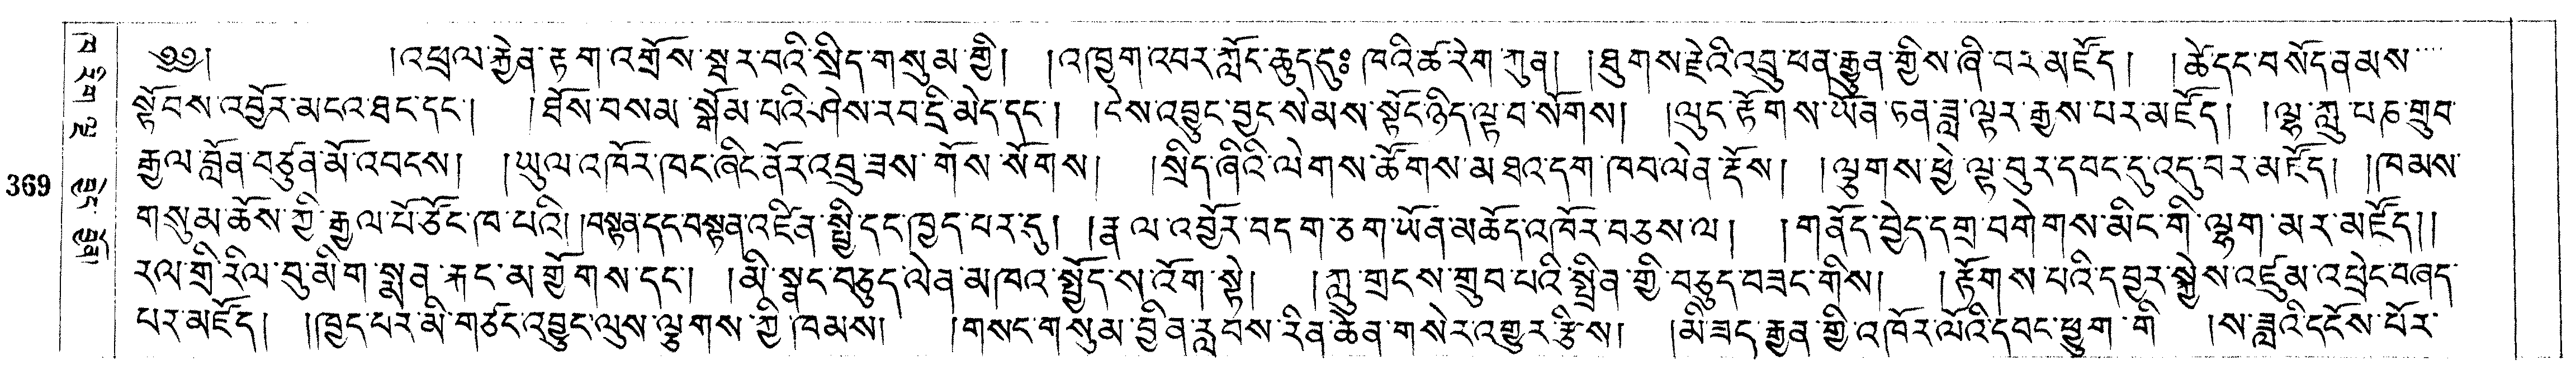༄༅། །འཕྲལ་རྐྱེན་རྟག་འགྲོས་སྦར་བའི་སྲིད་གསུམ་གྱི། །འཁྱག་འབར་ཀློང་ཆུད་དུཿ ཁའི་ཚ་རེག་ཀུན། །ཐུགས་རྗེའི་འབྲུ་ཕན་རྒྱུན་གྱིས་ཞི་བར་མཛོད། །ཚེ་དང་བསོད་ནམས་
སྟོབས་འབྱོར་མངའ་ཐང་དང་། །ཐོས་བསམ་སྒོམ་པའི་ཤེས་རབ་དྲི་མེད་དང་། །ངེས་འབྱུང་བྱང་སེམས་སྟོང་ཉིད་ལྟ་བ་སོགས། །ལུང་རྟོགས་ཡོན་ཏན་ཟླ་ལྟར་རྒྱས་པར་མཛོད། །ལྷ་ཀླུ་པཎ་གྲུབ་
རྒྱལ་བློན་བཙུན་མོ་འབངས། །ཡུལ་འཁོར་ཁང་ཞིང་ནོར་འབྲུ་ཟས་གོས་སོགས། །སྲིད་ཞིའི་ལེགས་ཚོགས་མཐའ་དག་ཁབ་ལེན་རྡོས། །ལྕགས་ཕྱེ་ལྟ་བུར་དབང་དུ་འདུ་བར་མཛོད། །ཁམས་
གསུམ་ཆོས་ཀྱི་རྒྱལ་པོ་ཙོང་ཁ་པའི། །བསྟན་དང་བསྟན་འཛིན་སྤྱི་དང་ཁྱད་པར་དུ། །རྣལ་འབྱོར་བདག་ཅག་ཡོན་མཆོད་འཁོར་བཅས་ལ། །གནོད་བྱེད་དགྲ་བགེགས་མིང་གི་ལྷག་མར་མཛོད།།
རལ་གྲི་རིལ་བུ་མིག་སྨན་རྐང་མགྱོགས་དང་། །མི་སྣང་བཅུད་ལེན་མཁའ་སྤྱོད་ས་འོག་སྟེ། །ཀླུ་གྲངས་གྲུབ་པའི་སྤྲིན་གྱི་བཅུད་བཟང་གིས། །རྟོགས་པའི་དབྱར་སྐྱེས་འཛུམ་འཕྲེང་བཞད་
པར་མཛོད། །ཁྱད་པར་མི་གཙང་འབྱུང་ལུས་ལྕགས་ཀྱི་ཁམས། །གསང་གསུམ་བྱིན་རླབས་རིན་ཆེན་གསེར་འགྱུར་རྩིས། །མི་ཟད་རྒྱན་གྱི་འཁོར་ལོའི་དབང་ཕྱུག་གི །ས་ཟླའི་དངོས་པོར་